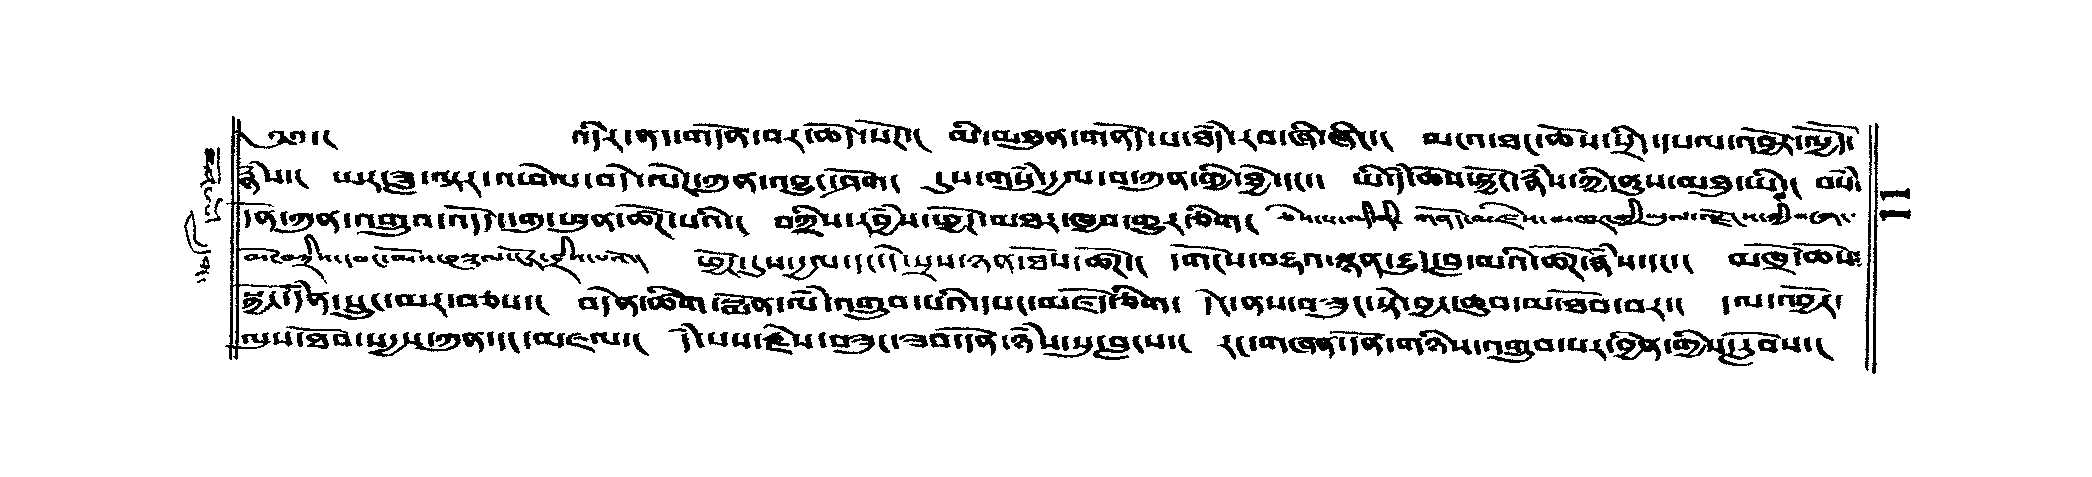འདིར་ནད་གདོན་བར་ཆད་སོགས། །མི་མཐུན་གནོད་པ་ཐམས་ཅད་རབ་ཞི་ཞིང་། །མངའ་ཐང་ཆོས་སྲིད་དཔལ་འབྱོར་ལོངས་སྤྱོད་
རྣམས། །ཡར་ཟླ་ལྟར་འཕེལ་བདེ་ལེགས་ཀུན་འབྱུང་ཤོག །དུས་གསུམ་རྒྱལ་བ་ཀུན་གྱི་ཐུགས་རྗེ་དང་། །ཡི་དམ་ཆོས་སྐྱོང་རྣམས་ཀྱི་ནུས་མཐུ་ཡིས། །བསམ་
དོན་ཀུན་འགྲུབ་འདོད་དགུ་ཕུན་ཚོགས་པའི། །བཀྲ་ཤིས་རབ་འབྱམས་ཕྱོགས་མཐར་ཁྱབ་གྱུར་ཅིག ཅེས་པ་འདི་ནི་ གནོད་མཛེས་མཁར་གྱི་ཡུལ་ལྗོངས་ཀྱི་བདག་
མོ་བཀྲ་ཤིས་དབང་མོས་བསྐུལ་ངོར་བྲིས་པའོ།། ཕྱོགས་དུས་རྒྱལ་དང་དེ་སྲས་ཉན་ཐོས་ཚོགས། །དགོངས་བརྡ་སྙན་རྒྱུད་བླ་མའི་ཚོགས་རྣམས་དང་། །མཁའ་འགྲོ་ཆོས་
སྐྱོང་དམ་ཅན་སྲུང་མར་བཅས། །བདེན་ཚིག་སྨོན་ལམ་འགྲུབ་པའི་དཔང་མཛོད་ཅིག །དེང་ནས་བཟུང་སྟེ་བྱང་ཆུབ་མ་ཐོབ་བར། །དལ་འབྱོར་
ལུས་ཐོབ་སངས་རྒྱས་ཀུན་དང་མཇལ། །དམ་པས་རྗེས་བཟུང་ཟབ་དོན་ཉམས་སུ་བླངས། །རང་གཞན་དོན་གཉིས་འགྲུབ་པར་བྱིན་གྱིས་རློབས།